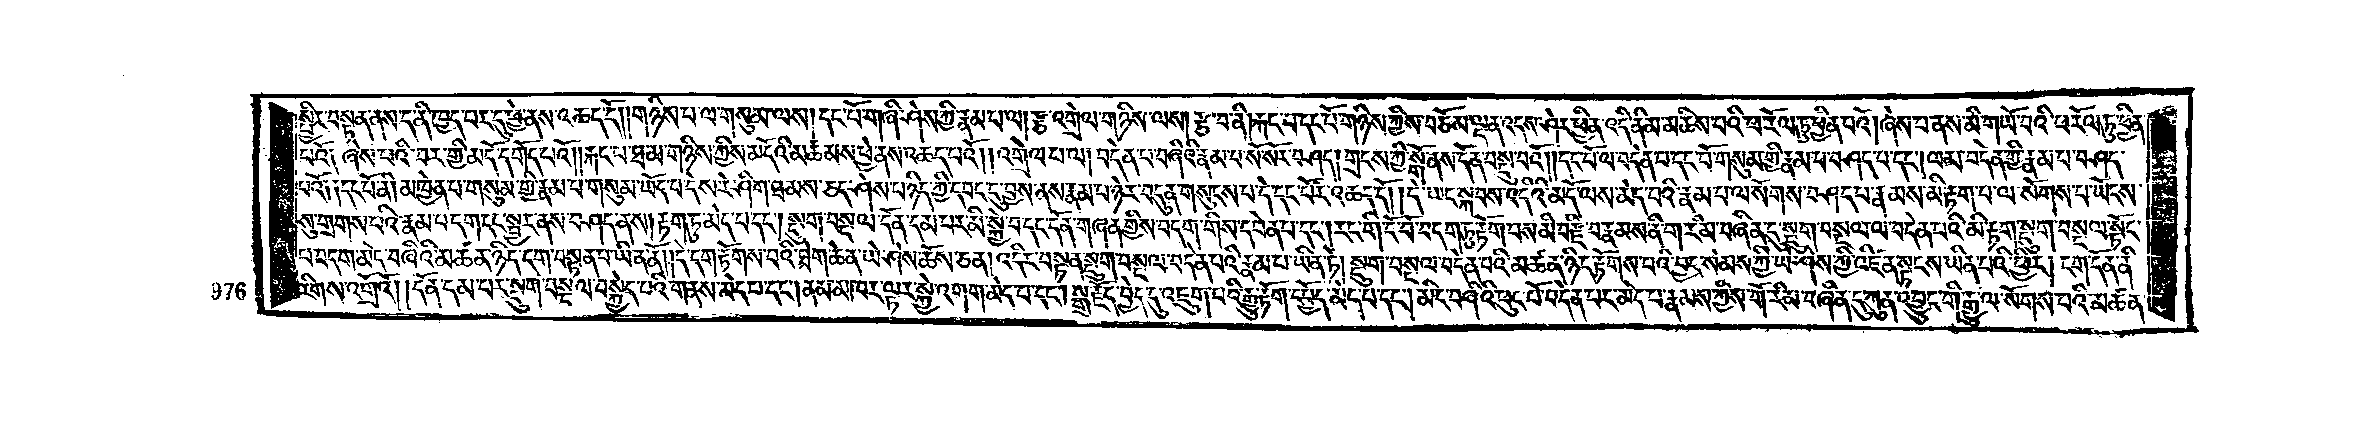སྤྱིར་བསྟན་ནས་ད་ནི་ཁྱད་པར་དུ་ཕྱེ་ནས། འཆད་དོ། །གཉིས་པ་ལ་གསུམ་ལས། དང་པོ་གཞི་ཤེས་ཀྱི་རྣམ་པ་ལ། རྩ་འགྲེལ་གཉིས་ལས། རྩ་བ་ནི། རྐང་པ་དང་པོ་གཉིས་ཀྱིས་བཅོམ་ལྡན་འདས་ཤེར་ཕྱིན་འདི་ནི་མ་མཆིས་པའི་ཕ་རོལ་ཏུ་ཕྱིན་པའོ། ཞེས་པ་ནས་མི་གྱོ་བའི་ཕ་རོལ་ཏུ་ཕྱིན་
པའོ༑ ཞེས་པའི་བར་གྱི་མདོ་དགོད་པའོ། །རྐང་པ་ཐ་མ་གཉིས་ཀྱིས་མདོའི་མཚམས་ཕྱེ་ནས་འཆད་པའོ། །འགྲེལ་པ་ལ། བདེན་པ་བཞིའི་རྣམ་པ་སོ་སོར་བཤད། གྲངས་ཀྱི་སྒོ་ནས་དོན་བསྡུ་བའོ། །དང་པོ་ལ་བདེན་པ་དང་པོ་གསུམ་གྱི་རྣམ་པ་བཤད་པ་དང་། ལམ་བདེན་གྱི་རྣམ་པ་བཤད་
པའོ༑ ༑དང་པོ་ནི། མཁྱེན་པ་གསུམ་གྱི་རྣམ་པ་གསུམ་ཡོད་པ་དེས་རེ་ཤིག་ཐམས་ཅད་ཤེས་པ་ཉིད་ཀྱི་དབང་དུ་བྱས་ནས་རྣམ་པ་ཉེར་བདུན་གསུངས་པ་དེ་དང་པོར་འཆད་དོ། །དེ་ཡང་སྐབས་འདིའི་མདོ་ལས་མེད་པའི་རྣམ་པ་ལ་སོགས་བཤད་པ་རྣམས་མི་རྟག་པ་ལ་སོགས་པ་ཡོངས་
སུ་གྲགས་པའི་རྣམ་པ་དག་དང་སྦྱར་ནས་བཤད་ནས། རྟག་ཏུ་མེད་པ་དང་། སྡུག་བསྔལ་དོན་དམ་པར་མི་སྐྱེ་བ་དང་དོན་གཞན་གྱིས་བདག་གིས་དབེན་པ་དང་། རང་གི་ངོ་བོ་བདག་ཏུ་རྟོག་པས་མི་བརྫི་བ་རྣམས་ནི་ག་རིམ་བཞིན་དུ་སྡུག་བསྔལ་ལ་བདེན་པའི་མི་རྟག་སྡུག་བསྔལ་སྟོང་
པ་བདག་མེད་བཞིའི་མཚན་ཉིད་དག་བསྟན་པ་ཡིན་ནོ། །དེ་དག་རྟོགས་པའི་ཐེག་ཆེན་ཡེ་ཤེས་ཆོས་ཅན། འདིར་བསྟན་སྡུག་བསྔལ་བདེན་པའི་རྣམ་པ་ཡིན་ཏེ། སྡུག་བསྔལ་བདེན་པའི་མཚན་ཉིད་རྟོགས་པའི་བྱང་སེམས་ཀྱི་ཡེ་ཤེས་ཀྱི་འཛིན་སྟངས་ཡིན་པའི་ཕྱིར། ངག་དོན་ནི་
རིགས་འགྲོའོ། །དོན་དམ་པར་སྡུག་བསྔལ་བསྐྱེད་པའི་གནས་མེད་པ་དང་ནམ་མཁར་ལྟར་སྐྱེ་འགག་མེད་པ་དང་། སྒྲ་རྗོད་བྱེད་དུ་འཇུག་པའི་རྒྱུ་རྟོག་དཔྱོད་མེད་པ་དང་མིང་བཞིའི་ཕུང་པོ་བདེན་པར་མེད་པ་རྣམས་ཀྱིས་གོ་རིམ་བཞིན་དུ་ཀུན་འབྱུང་གི་རྒྱུ་ལ་སོགས་པའི་མཚན་